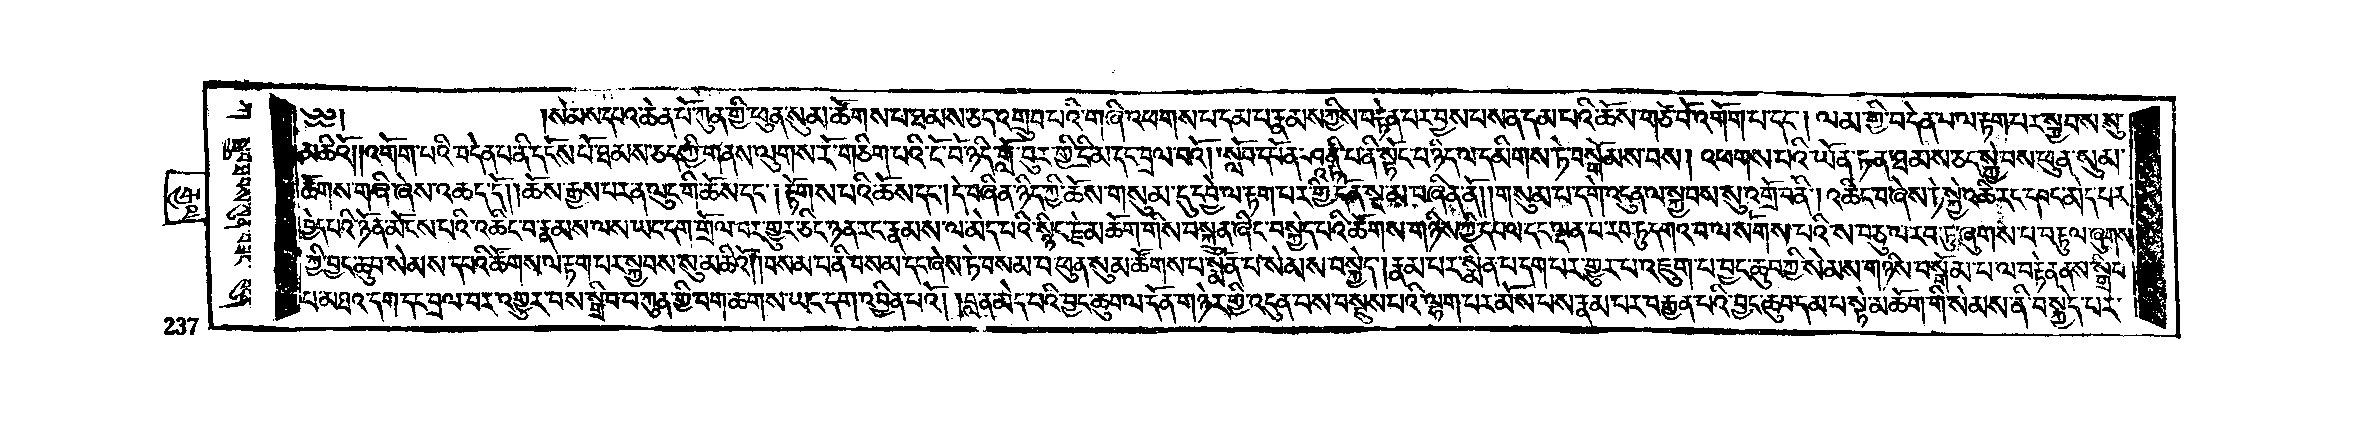༄༅། །སེམས་དཔའ་ཆེན་པོ་ཀུན་གྱི་ཕུན་སུམ་ཚོགས་པ་ཐམས་ཅད་འགྲུབ་པའི་གཞི་འཕགས་པ་དམ་པ་རྣམས་ཀྱིས་བརྟེན་པར་བྱས་པས་ན་དམ་པའི་ཆོས་གཙོ་བོ་འགོག་པ་དང་། ལམ་གྱི་བདེན་པ་ལ་རྟག་པར་སྐྱབས་སུ་
མཆིའོ། །འགོག་པའི་བདེན་པ་ནི་དངོས་པོ་ཐམས་ཅད་ཀྱི་གནས་ལུགས་རོ་གཅིག་པའི་ངོ་བོ་ཉིད་གློ་བུར་གྱི་དྲི་མ་དང་བྲལ་བའོ། །སློབ་དཔོན་ཤཱནཏི་པ་ནི་སྟོང་པ་ཉིད་ལ་དམིགས་ཏེ་བསྒོམས་པས། འཕགས་པའི་ཡོན་ཏན་ཐམས་ཅད་སྐྱེ་བས་ཕུན་སུམ་
ཚོགས་གཞི་ཞེས་འཆད་དོ། །ཆོས་རྒྱས་པར་ན་ལུང་གི་ཆོས་དང་། རྟོགས་པའི་ཆོས་དང་། དེ་བཞིན་ཉིད་ཀྱི་ཆོས་གསུམ་དུ་དབྱེ་ལ་རྟག་པར་གྱི་དོན་སྔ་མ་བཞིན་ནོ། །གསུམ་པ་དགེ་འདུན་ལ་སྐྱབས་སུ་འགྲོ་བ་ནི། འཆིང་བ་ཞེས་ཏེ་སྐྱེ་འཆི་རང་དབང་མེད་པར་
བྱེད་པའི་ཉོན་མོངས་པའི་འཆིང་བ་རྣམས་ལས་ཡང་དག་གྲོལ་བར་གྱུར་ཅིང་ཉན་རང་རྣམས་ལ་མེད་པའི་སྙིང་རྗེ་མཆོག་གིས་བསྐྲུན་ཞིང་བསྐྱེད་པའི་ཚོགས་གཉིས་ཀྱི་དཔལ་དང་ལྡན་པ་རབ་ཏུ་དགའ་བ་ལ་སོགས་པའི་ས་བཅུ་ལ་རབ་ཏུ་ཞུགས་པ་བརྟུལ་ཞུགས་
ཀྱི་བྱང་ཆུབ་སེམས་དཔའི་ཚོགས་ལ་རྟག་པར་སྐྱབས་སུ་མཆིའོ། །བསམ་པ་ནི་བསམ་དང་ཞེས་ཏེ་བསམ་པ་ཕུན་སུམ་ཚོགས་པ་སྨོན་པ་སེམས་བསྐྱེད། རྣམ་པར་སྨིན་པ་དག་པར་གྱུར་པ་འཇུག་པ་བྱང་ཆུབ་ཀྱི་སེམས་གཉིས་བསྒོམ་པ་ལ་བརྟེན་ནས་སྒྲིབ་
པ་མཐའ་དག་དང་བྲལ་བར་འགྱུར་བས་སྒྲིབ་པ་ཀུན་གྱི་བག་ཆགས་ཡང་དག་འབྱིན་པའོ། །བླ་ན་མེད་པའི་བྱང་ཆུབ་ལ་དོན་གཉེར་གྱི་འདུན་པས་བསྡུས་པའི་ལྷག་པར་མོས་པས་རྣམ་པར་བརྒྱན་པའི་བྱང་ཆུབ་དམ་པ་སྟེ་མཆོག་གི་སེམས་ནི་བསྐྱེད་པར་